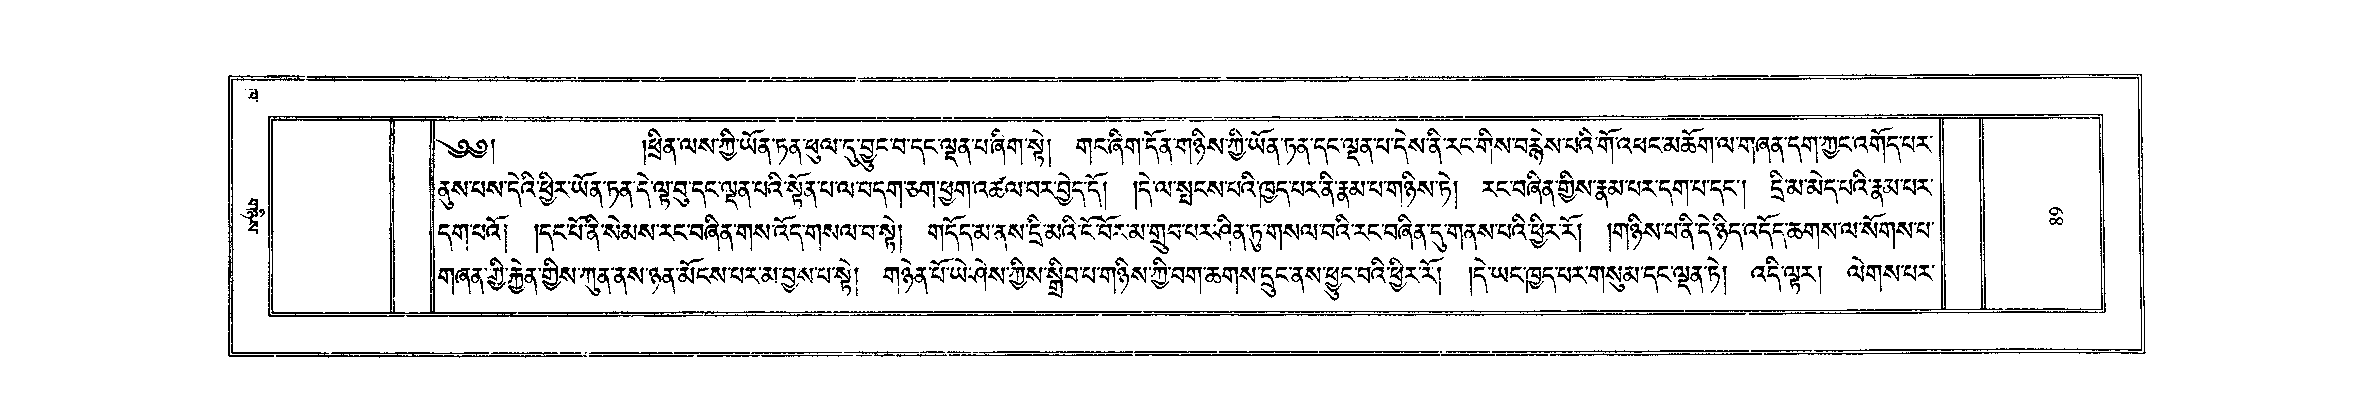༄༅། །ཕྲིན་ལས་ཀྱི་ཡོན་ཏན་ཕུལ་དུ་བྱུང་བ་དང་ལྡན་པ་ཞིག་སྟེ། གང་ཞིག་དོན་གཉིས་ཀྱི་ཡོན་ཏན་དང་ལྡན་པ་དེས་ནི་རང་གིས་བརྙེས་པའི་གོ་འཕང་མཆོག་ལ་གཞན་དག་ཀྱང་འགོད་པར་
ནུས་པས་དེའི་ཕྱིར་ཡོན་ཏན་དེ་ལྟ་བུ་དང་ལྡན་པའི་སྟོན་པ་ལ་བདག་ཅག་ཕྱག་འཚལ་བར་བྱེད་དོ། །དེ་ལ་སྤངས་པའི་ཁྱད་པར་ནི་རྣམ་པ་གཉིས་ཏེ། རང་བཞིན་གྱིས་རྣམ་པར་དག་པ་དང་། དྲི་མ་མེད་པའི་རྣམ་པར་
དག་པའོ། །དང་པོ་ནི་སེམས་རང་བཞིན་གས་འོད་གསལ་བ་སྟེ། གདོད་མ་ནས་དྲི་མའི་ངོ་བོར་མ་གྲུབ་པར་ཤིན་ཏུ་གསལ་བའི་རང་བཞིན་དུ་གནས་པའི་ཕྱིར་རོ། །གཉིས་པ་ནི་དེ་ཉིད་འདོད་ཆགས་ལ་སོགས་པ་
གཞན་གྱི་རྐྱེན་གྱིས་ཀུན་ནས་ཉོན་མོངས་པར་མ་བྱས་པ་སྟེ། གཉེན་པོ་ཡེ་ཤེས་ཀྱིས་སྒྲིབ་པ་གཉིས་ཀྱི་བག་ཆགས་དྲུང་ནས་ཕྱུང་བའི་ཕྱིར་རོ། །དེ་ཡང་ཁྱད་པར་གསུམ་དང་ལྡན་ཏེ། འདི་ལྟར། ལེགས་པར་